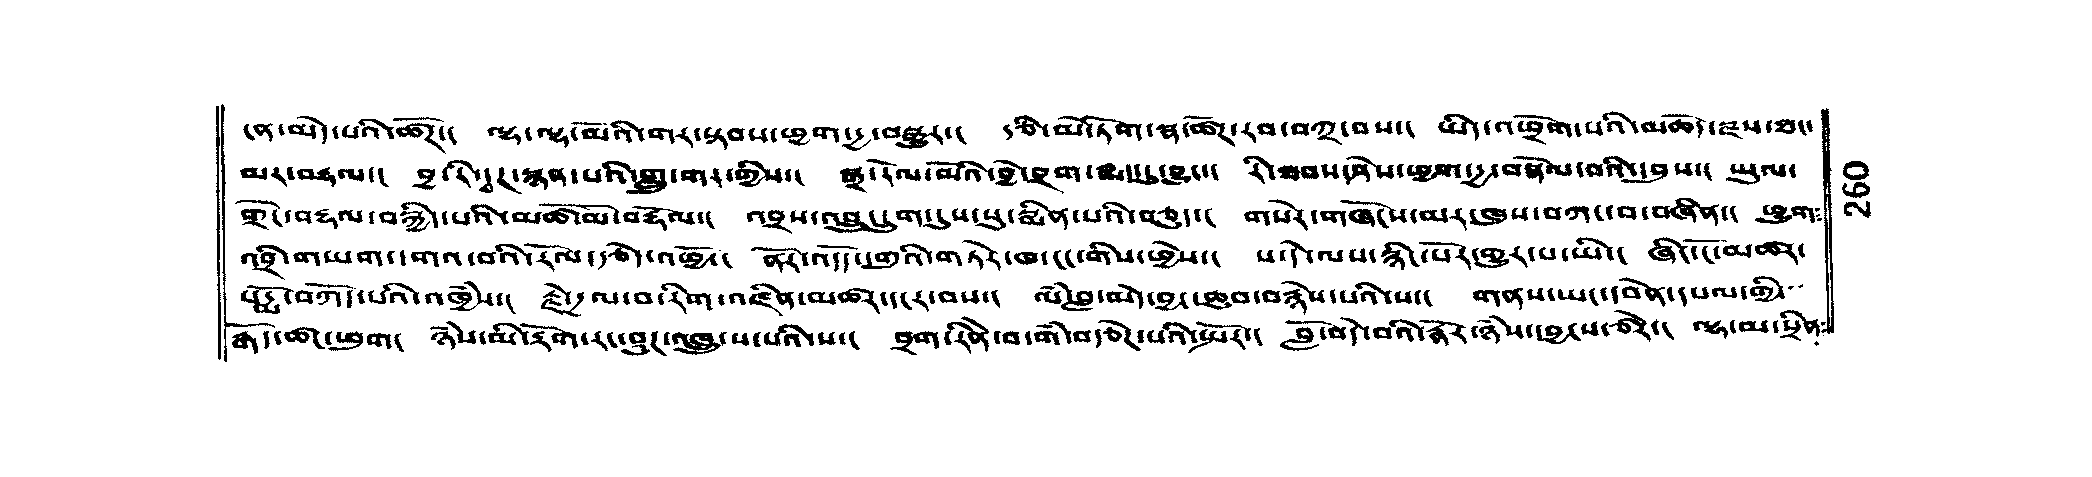ངན་མེད་པའི་ཚོགས། །ལྷ་ལྷ་མོའི་གར་སྟབས་ཕྱག་རྒྱ་བསྒྱུར། །རྩི་མེ་ཏོག་སྣ་ཚོགས་རབ་བཀྲ་བས། །ཡིད་འཕྲོག་པའི་མཆོད་རྫས་ཐང་
མར་བརྡལ། །བྱ་རི་དྭགས་སྙན་པའི་གླུ་གར་གྱིས། །སྒྲ་རོལ་མོའི་བྱེ་བྲག་རྨད་དུ་བྱུང་། །རི་ཐབས་ཤེས་ཕྱག་རྒྱ་བསྣོལ་བའི་དབུས། །ཡུལ་
གྲོང་བརྡལ་སྐྱིད་པའི་མཚོ་མོ་བརྡོལ། །འབྲས་འབྲུ་དྲུག་དུས་སུ་སྨིན་པའི་བཅུད། །གསེར་གཞོང་མར་ཁུས་བཀང་བ་བཞིན། །ཕྱུགས་
འབྲི་གཡག་དགའ་བའི་རོལ་རྩེད་འཕྱོ། །ནོར་འདོད་དགུའི་གཏེར་ཁ་ངང་གིས་ཕྱེས། །ས་དེ་ལས་སྙིང་པོར་གྱུར་པ་ཡི། །ཞིང་ངོ་མཚར་
པདྨོ་བཀོད་པའི་འཁྱམས། །རྗེ་རྒྱལ་བ་རིག་འཛིན་མཚར་དངར་བས། །ལམ་བླ་མེད་བྱང་ཆུབ་བརྙེས་པའི་ས། །གནས་ཡང་དབེན་དཔལ་གྱི་
རྒོད་ཚང་ཕུག །ཉམས་མི་རྟོག་རང་ཤུགས་འཁྲུངས་པའི་ས། །བྲག་རིན་ཆེན་བ་གམ་བརྩེགས་པའི་སྤོར། །བློ་བདེ་བའི་རྣལ་འབྱོར་ཉམས་དབྱངས་ཚེར། །ལྷ་མ་སྲིན་